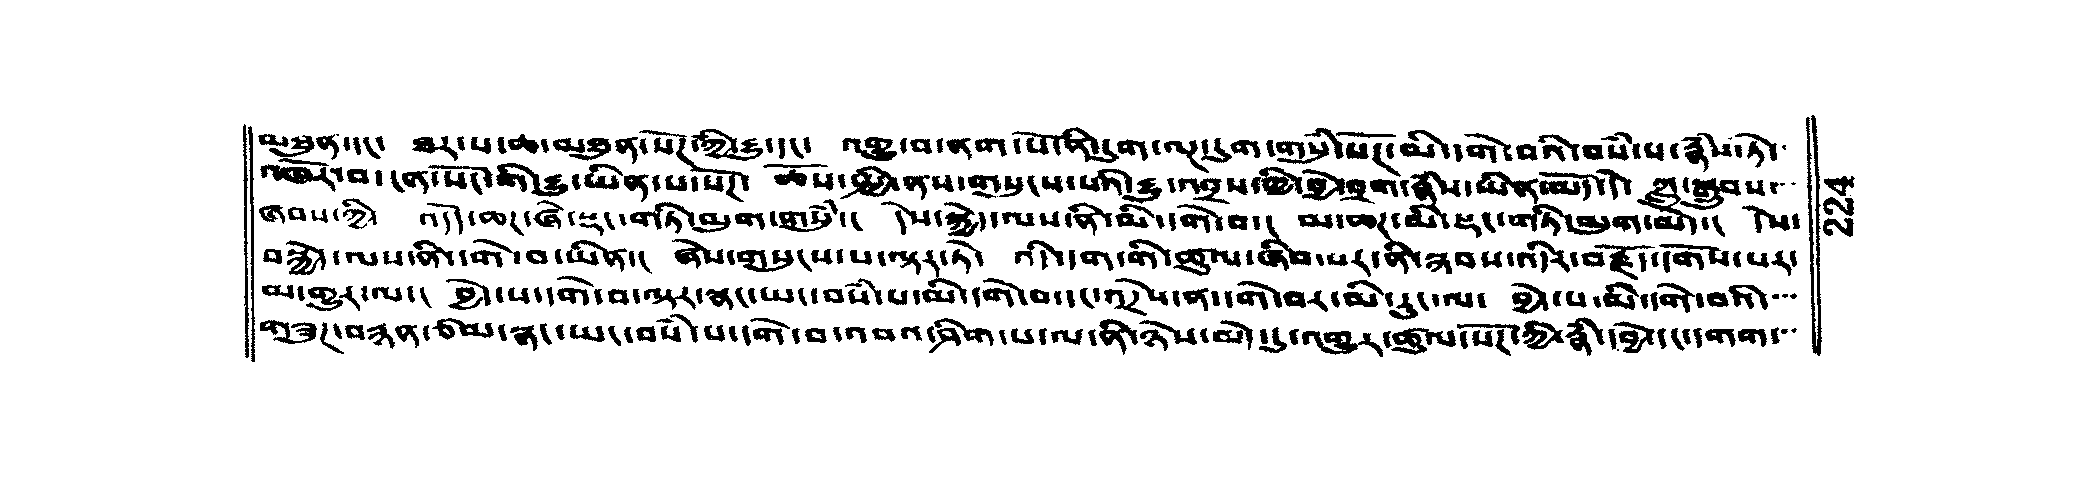མཐུན་དང་། ཐར་པ་ཆ་མཐུན་སོགས་ཀྱི་རྒྱུ་དང་། འགྱུ་བ་ནག་པོ་ནི་དུག་ལྔ་དུག་གསུམ་སོགས་མི་དགེ་བའི་བསམ་པ་རྣམས་ཏེ། 
འཁོར་བ་ངན་སོང་གི་རྒྱུ་ཡིན་པ་སོགས། ཆོས་སྤྱི་ནས་གསུངས་པའི་རྒྱུ་འབྲས་ཀྱི་བྱེ་བྲག་རྣམས་ཡིན་མོད་དེ། ཀླུ་སྒྲུབ་
ཞབས་ཀྱི། འདོད་ཆགས་ཞེ་སྡང་གཏི་མུག་གསུམ། །དེས་སྐྱེད་ལས་ནི་མི་དགེ་བ། །མ་ཆགས་མི་སྡང་གཏི་མུག་མེད། དེས་
བསྐྱེད་ལས་ནི་དགེ་བ་ཡིན། ཞེས་གསུངས་པ་ལྟར་ཏེ། འདི་དག་གི་ཚུལ་ཞིབ་པར་ནི་སྐབས་འདིར་བརྗོད་དགོས་པར་
མ་གྱུར་ལ། བྱེད་པ་དགེ་བ་ལྟར་སྣང་ཡང་བསམ་པ་མི་དགེ་བ་དང་འདྲེས་ན་དགེ་བར་མི་རུང་ལ། བྱེད་པ་མི་དགེ་བའི་
གཟུགས་བརྙན་ཙམ་སྣང་ཡང་བསམ་པ་དགེ་བ་འབའ་ཤིག་པ་ལ་ནི་ཉེས་མེད་དུ་འགྱུར་ཚུལ་སོགས་ཀྱི་རྣམ་དབྱེ་དང་དགག་